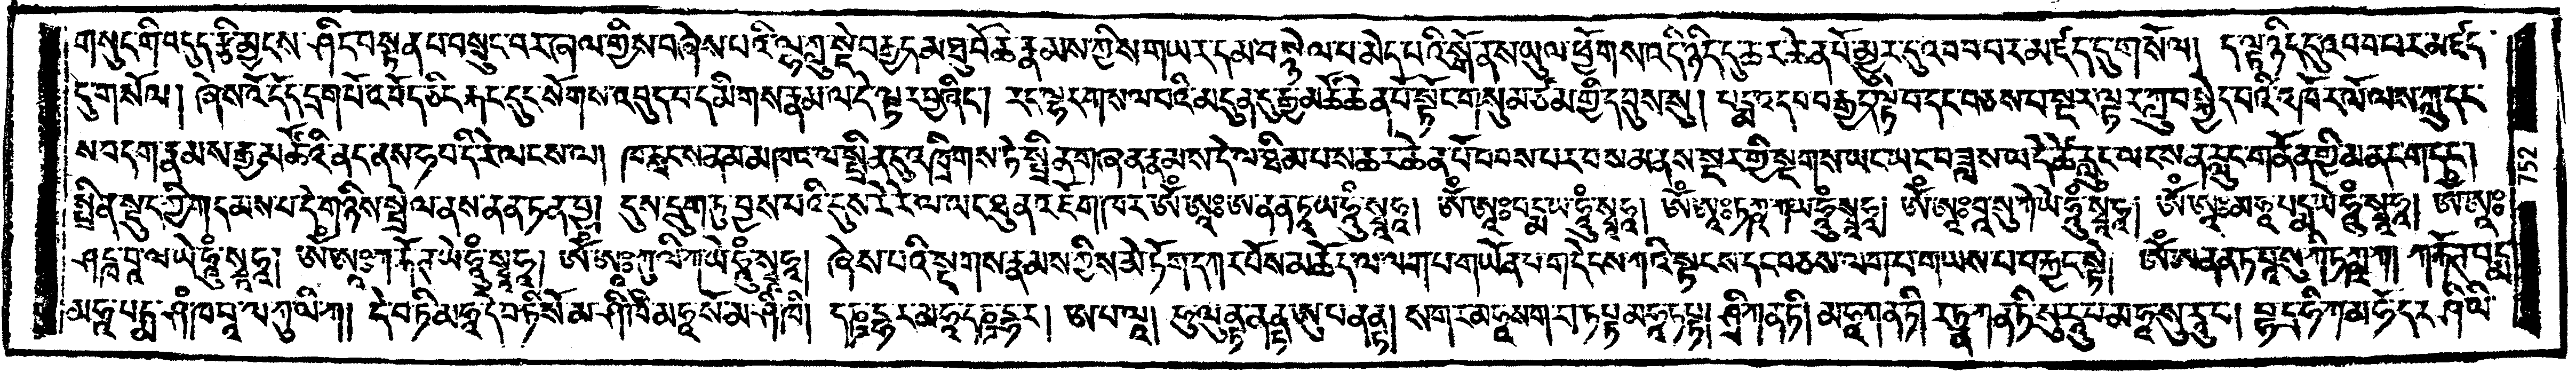གསུང་གི་བདུད་རྩི་མྱངས་ཤིང་བསྟན་པ་བསྲུང་བར་ཞལ་གྱིས་བཞེས་པའི་ལྷ་ཀླུ་སྡེ་བརྒྱད་མཐུ་བོ་ཆེ་རྣམས་ཀྱིས་གཡར་དམ་བསྙེལ་པ་མེད་པའི་སྒོ་ནས་ཡུལ་ཕྱོགས་འདི་ཉིད་དུ་ཆར་ཆེན་པོ་མྱུར་དུ་འབབ་པར་མཛད་དུ་གསོལ། ད་ལྟ་ཉིད་དུ་འབབ་པར་མཛད་
དུ་གསོལ། ཞེས་འོ་དོད་དྲག་པོ་འབོད་ཅིང་རྐང་དུད་སོགས་འབུད་པ་དམིགས་རྣམ་ལ་དེ་ལྟར་བྱ་ཞིང་། རང་ལྷར་གསལ་བའི་མདུན་དུ་རྒྱ་མཚོ་ཆེན་པོ་སྟོང་གསུམ་ཙམ་གྱི་དབུས་སུ། པདམ་འདབ་བརྒྱད་ལྟེ་བ་དང་བཅས་པ་སྔར་ལྟར་ཀླུ་བསྐྱེད་པའི་འཁོར་ལོ་ལས་ཀླུ་དང་
ས་བདག་རྣམས་རྒྱ་མཚོའི་ནང་ནས་ཧ་པ་དེ་རེ་ལངས་ལ། ཁ་རླངས་ནམ་མཁའ་ལ་སྦྲིན་དུ་འཁྲིགས་ཏེ་སྤྲིན་གཞན་རྣམས་དེ་ལ་ཐིམ་པས་ཆར་ཆེན་པོ་བབས་པར་བསམ་ནས་སྔར་གྱི་སྔགས་ཡང་ཡང་བཟླས་ལ་དེ་ཚེ་རླུང་ལངས་ན་རླུང་གནོན་གྱི་མན་ངག་དང་།
སྤྲིན་སྡུད་ཀྱི་གདམས་པ་དེ་གཉིས་སྤྲེལ་ནས་ནན་ཏན་བྱ། དུས་དྲུག་ཏུ་བྱས་པའི་དུས་རེ་རེ་ལ་ཡང་ཐུན་འཇོག་ཁར་ཨོཾ་ཨཱཿ ཨ་ནན་ཏཱ་ཡཧཱུཾ་སྭཱཧཱ། ཨོཾ་ཨཱཿ པདམ་ཡ་ཧཱུམ་སྭཱཧཱ། ཨོཾ་ཨཱཿ ཏཀྵ་ཀ་ཡ་ཧཱུཾ་སྭཱཧཱ། ཨོཾ་ཨཱཿ བཱ་སུ་ཀེ་ཡེ་ཧཱུཾ་སྭཱཧཱ། ཨོཾ་ཨཱཿ མཧཱ་པདམ་ཡེ་ཧཱུཾ་སྭཱཧཱ། ཨོཾ་ཨཱ་
ཤངྑ་བྭ་ལ་ཡེ་ཧཱུཾ་སྭཱཧཱ། ཨོཾ་ཨཱཿ ཀརྐོ་ཊྱེ་ཧཱུཾ་སྭཱཧཱ། ཨོཾ་ཨཱཿ ཀུ་ལི་ཀ་ཡེ་ཧཱུཾ་སྭཱཧཱ། ཞེས་པའི་སྔགས་རྩམས་ཀྱིས་མེ་ཏོག་དཀར་པོས་མཆོད་ལ་ལག་པ་གཡོན་པ་གདེངས་ཀའི་སྟངས་དང་བཅས་ལག་པ་གཡས་པ་བརྐྱངས་སྟེ། ཨོཾ་ཨནན་ཏ་བཱ་སུ་ཀི་ཏཀྵ་ཀ། ཀརྐོ་ཊ་པདམ་
མཧཱ་པདམ་ཤཾ་ཁ་པཱ་ལ་ཀུ་ལི་ཀ། དེ་པ་ཏི་མཧཱ་དེ་པཏི་སོ་མ་ཤི་ཁི་མཧཱ་སོ་མ་ཤི་ཁི། དཎྜ་དྷར་མཧཱ་དཎྜ་དྷ་ར། ཨ་པ་ལཱ། ཧུ་ལུནྚ་ན་ནྚ་ཨུ་པ་ནནྟ། ས་གར་མཧཱ་སག་ར། ཏཔྟ་མཧཱ་ཏ་པྟ། ཤྲི་ཀ་ན་ཏི། མ་ཧཱ་ཀ་ན་ཏི། རཏྣ་ཀན་ཏི་སུ་རཱུ་པ་མྟཱ་སུ་རཱུ་པ། སྟར་དྲཧི་ཀ་མྟོ་དར་ཤི་ལི་